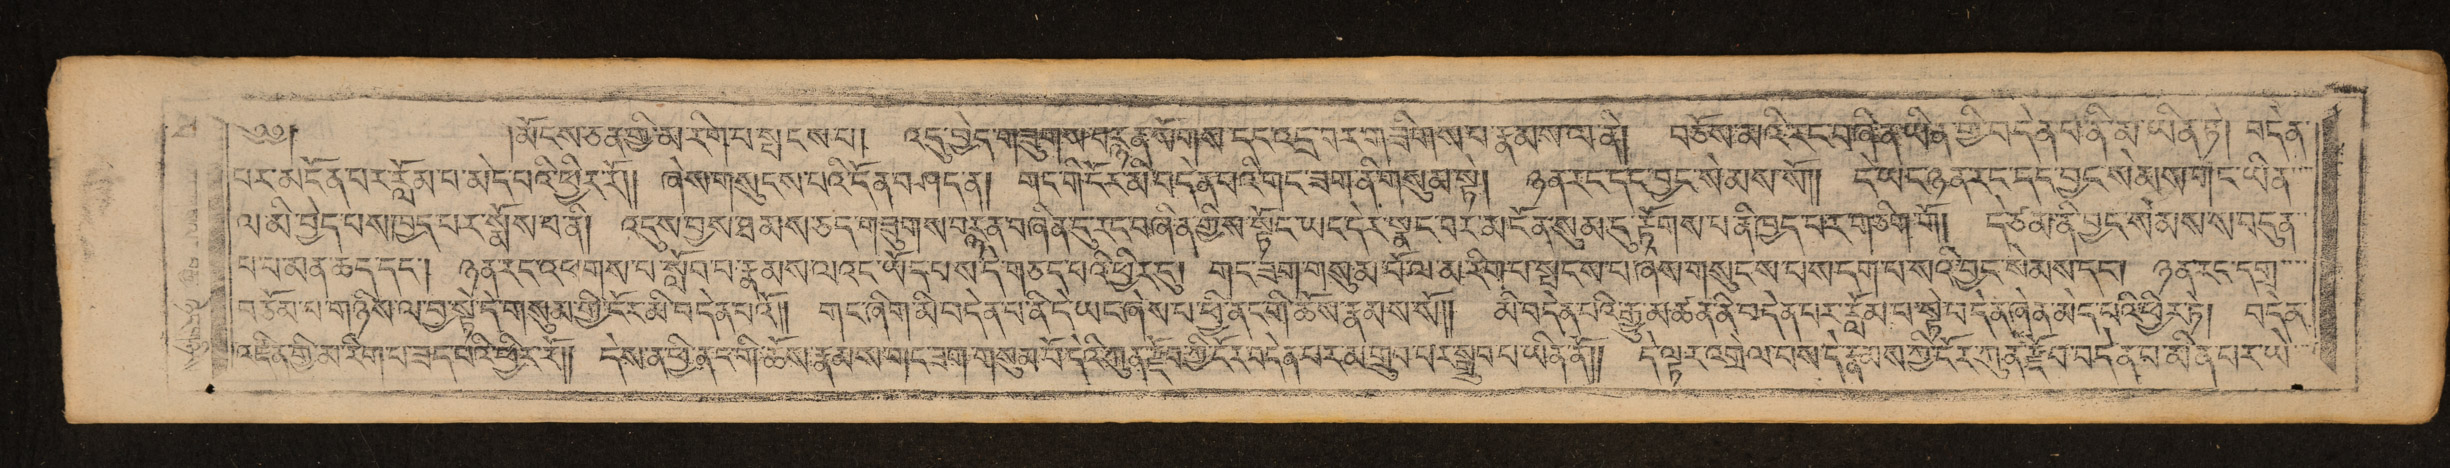༄༅། །མོངས་ཅན་གྱི་མ་རིག་པ་སྤངས་པ། འདུ་བྱེད་གཟུགས་བརྙན་སོགས་དང་འདྲ་བར་གཟིགས་པ་རྣམས་ལ་ནི། བཅོས་མའི་རང་བཞིན་ཡིན་གྱི་བདེན་པ་ནི་མ་ཡིན་ཏེ། བདེན་
པར་མངོན་པར་རློམ་པ་མེད་པའི་ཕྱིར་རོ།། ཞེས་གསུངས་པའི་དོན་བཤད་ན། གང་གི་ངོར་མི་བདེན་པའི་གང་ཟག་ནི་གསུམ་སྟེ། ཉན་རང་དང་བྱང་སེམས་སོ།། དེ་ཡང་ཉན་རང་དང་བྱང་སེམས་གང་ཡིན་
ལ་མི་བྱེད་པས་ཁྱད་པར་སྨོས་པ་ནི། འདུས་བྱས་ཐམས་ཅད་གཟུགས་བརྙན་བཞིན་དུ་རང་བཞིན་གྱིས་སྟོང་ཡང་དེར་སྣང་བར་མངོན་སུམ་དུ་རྟོགས་པ་ནི་ཁྱད་པར་གཅིག་གོ། དེ་ཙམ་ནི་བྱང་སེམས་ས་བདུན་
པ་བ་མན་ཆད་དང་། ཉན་རང་འཕགས་པ་སློབ་པ་རྣམས་ལའང་ཡོད་པས་དེ་གཅད་པའི་ཕྱིར་དུ། གང་ཟག་གསུམ་པོ་ལ་མ་རིག་པ་སྤངས་པ་ཞེས་གསུངས་པས་དག་པ་སའི་བྱང་སེམས་དང་། ཉན་རང་དགྲ་
བཅོམ་པ་གཉིས་ལ་བྱ་སྟེ་དེ་གསུམ་གྱི་ངོར་མི་བདེན་པའོ།། གང་ཞིག་མི་བདེན་པ་ནི་དེ་ཡང་ཞེས་པ་ཕྱི་ནང་གི་ཆོས་རྣམས་སོ།། མི་བདེན་པའི་རྒྱུ་མཚན་ནི་བདེན་པར་རློམ་པ་སྟེ་བདེན་ཞེན་མེད་པའི་ཕྱིར་ཏེ། བདེན་
འཛིན་གྱི་མ་རིག་པ་ཟད་པའི་ཕྱིར་རོ།། དེས་ན་ཕྱི་ནང་གི་ཆོས་རྣམས་གང་ཟག་གསུམ་པོ་དེའི་ཀུན་རྫོབ་ཀྱི་ངོར་བདེན་པར་མ་གྲུབ་པར་སྒྲུབ་པ་ཡིན་ནོ།། དེ་ལྟར་འགྲེལ་པས་དེ་རྣམས་ཀྱི་ངོར་ཀུན་རྫོབ་བདེན་པ་མིན་པར་ཡེ་